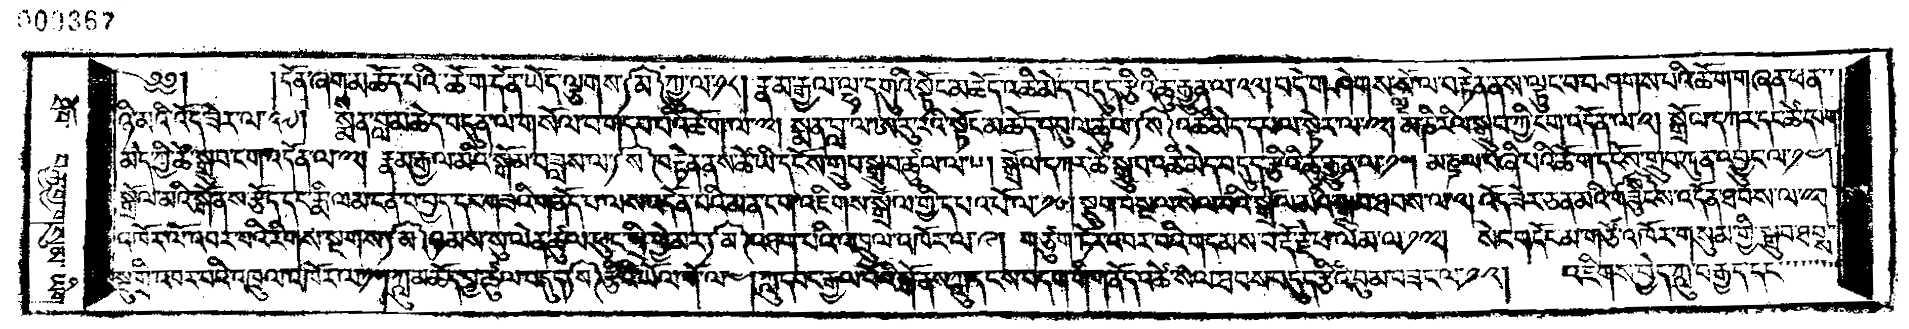༄༅། །དོན་ཞགས་མཆོད་པའི་ཆོ་ག་དོན་ཡོད་ལྕགས ༼མ༽ ཀྱུ་ལ ༡༨། རྣམ་རྒྱལ་ལྷ་དགུའི་སྟོང་མཆོད་འཆི་མེད་བདུད་རྩིའི་ཆུ་རྒྱུན་ལ ༢༢། བདེ་གཤེགས་སོ་ལ་བརྟེན་ནས་ལྟུང་བ་བཤགས་པའི་ཆོ་ག་གཞན་ཕན་
ཉི་མའི་འོད་ཟེར་ལ ༢༧། སྨན་བླ་མཆེད་བདུན་ལ་གསོལ་བ་གདབ་པའི་ཆོ་ག་ལ ༣། སྨན་བླ་ལ་ཨ་རུ་རའི་སྟོང་མཆོད་འབུལ་ཚུལ ༼ས༽ འཆི་མེད་དཔལ་སྟེར་ལ ༡༢། མ་ཎི་རིལ་སྒྲུབ་ཀྱི་ངག་འདོན ༢། སྒྲོལ་དཀར་དང་ཚེ་དཔག་
མེད་ཀྱི་ཚེ་སྒྲུབ་ངག་འདོན་ལ ༣། རྣམ་རྒྱལ་མའི་སྒོམ་བཟླས་ལ ༼ས༽ བརྟེན་ནས་ཚེ་ཡི་དངོས་གྲུབ་སྒྲུབ་ཚུལ་ལ ༥། སྒྲོལ་དཀར་ཚེ་སྒྲུབ་འཆི་མེད་བདུད་རྩིའི་ཆུ་རྒྱུན་ལ ༡༠། མཎྜལ་བཞི་པའི་ཆོ་ག་དངོས་གྲུབ་ཀུན་འབྱུང་ལ ༡༤།
སྒྲོལ་མའི་སྒོ་ནས་རྩོད་དང་རྨི་ལམ་ངན་པ་བྱད་དང་གཟའི་གནོད་པ་ལས་འདོན་པའི་མན་ངག་འཇིགས་སྒྲོལ་གྱི་དཔའ་པོ་ལ ༡༦། སྡུག་བསྔལ་སེལ་བའི་སྒྲོལ་མའི་སྒྲུབ་ཐབས་ལ ༢། འོད་ཟེར་ཅན་མའི་གཟུངས་འདོན་ཐབས་ལ ༣།
འཁོར་ལོ་འབར་བའི་རིགས་སྔགས ༼མ༽ ཉམས་སུ་ལེན་ཚུལ་ཕུང་སྲི་ཕྱེ་མར ༼མ༽ འཐག་པའི་འཁྲུལ་འཁོར་ལ ༩། གཙུག་ཏོར་འབར་བའི་གདམས་པ་རྡོ་རྗེ་ཕ་ལམ་ལ ༡༣། སེང་གདོང་མ་གཙོ་འཁོར་གསུམ་གྱི་སྒྲུབ་ཐབས་
སྤུ་གྲི་འབར་བའི་འཁྲུལ་འཁོར་ལ ༡༠། ཀླུ་མཆོད་བྱ་ཚུལ་བདུད ༼ས༽ རྩིའི་ཡོལ་གོ་ལ ༤། ཀླུ་དབང་རྒྱལ་པོའི་སྒོ་ནས་ཀླུ་དང་ས་བདག་གི་གནོད་འཚེ་སེལ་ཐབས་བདུད་རྩིའི་བུམ་བཟང་ལ ༡༢། འཇིགས་བྱེད་ཀླུ་བརྒྱད་དང་